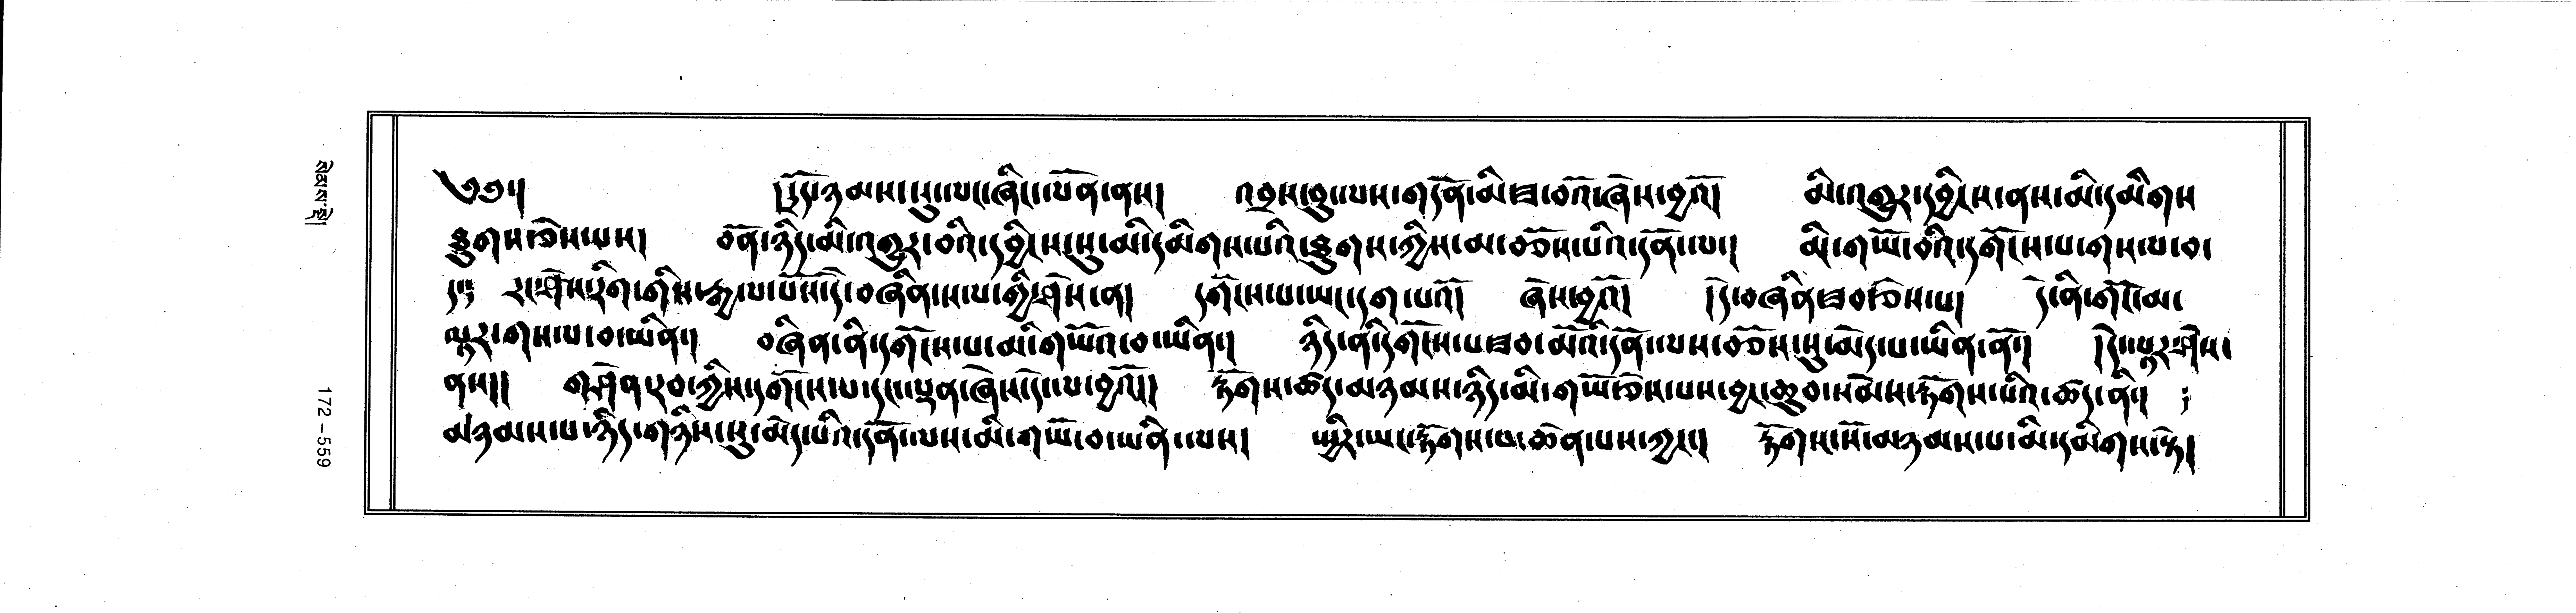དྲོད་ཉམས་སུ་ལོངས་ཞིང་ལོན་ནས། འབྲས་བུ་ལས་གདོན་མི་ཟ་བའོ་ཞེས་བྱའོ། མི་འགྱུར་དབྱིངས་ནས་མི་དམིགས་
ཐུགས་ཅེས་པས། བོན་ཉིད་མི་འགྱུར་བའི་དབྱིངས་སུ་མི་དམིགས་པའི་ཐུགས་ཀྱི་མ་བཅོས་པའི་དོན་ལ། མི་གཡོ་བའི་དགོངས་པ་གསལ་བ་
དང་། རང་ཤེས་རིག་གིས་རྒྱལ་པོས་དེ་བཞིན་སལ་གྱི་ཤེས་ན། དགོངས་པ་ཡང་དག་པའོ། ཞེས་བྱའོ། དེ་བཞིན་ཟབ་ཅེས་པ། དེ་ནི་གོང་མ་
ལྟར་གསལ་བ་ཡིན། བཞིན་ནི་དགོངས་པ་མི་གཡོའ་བ་ཡིན། ཉིད་ནི་དགོངས་པ་ཟབ་མོའི་དོན་ལས་བཅོས་སུ་མེད་པ་ཡིན་ནོ། དེ་ལྟར་ཤེས་
ནས། གཤེན་རབ་ཀྱིས་དགོངས་པ་དང་ལྡན་ཞེས་དེ་ལ་བྱའོ། རྟོགས་ཚད་མཉམ་ཉིད་མི་གཡོ་ཅེས་པས་བྱང་ཆུབ་སེམས་རྟོགས་པའི་ཚད་ནི། 
མཉམ་པ་ཉིད་གཉིས་སུ་མེད་པའི་དོན་ལས་མི་གཡོ་བ་ཡིན་ལས། སྤྱིར་ཡང་རྟོགས་པ་ཆེན་པོས་ཀྱང་། རྟོགས་སོ་མཉམ་པ་མི་དམིགས་སྟེ།